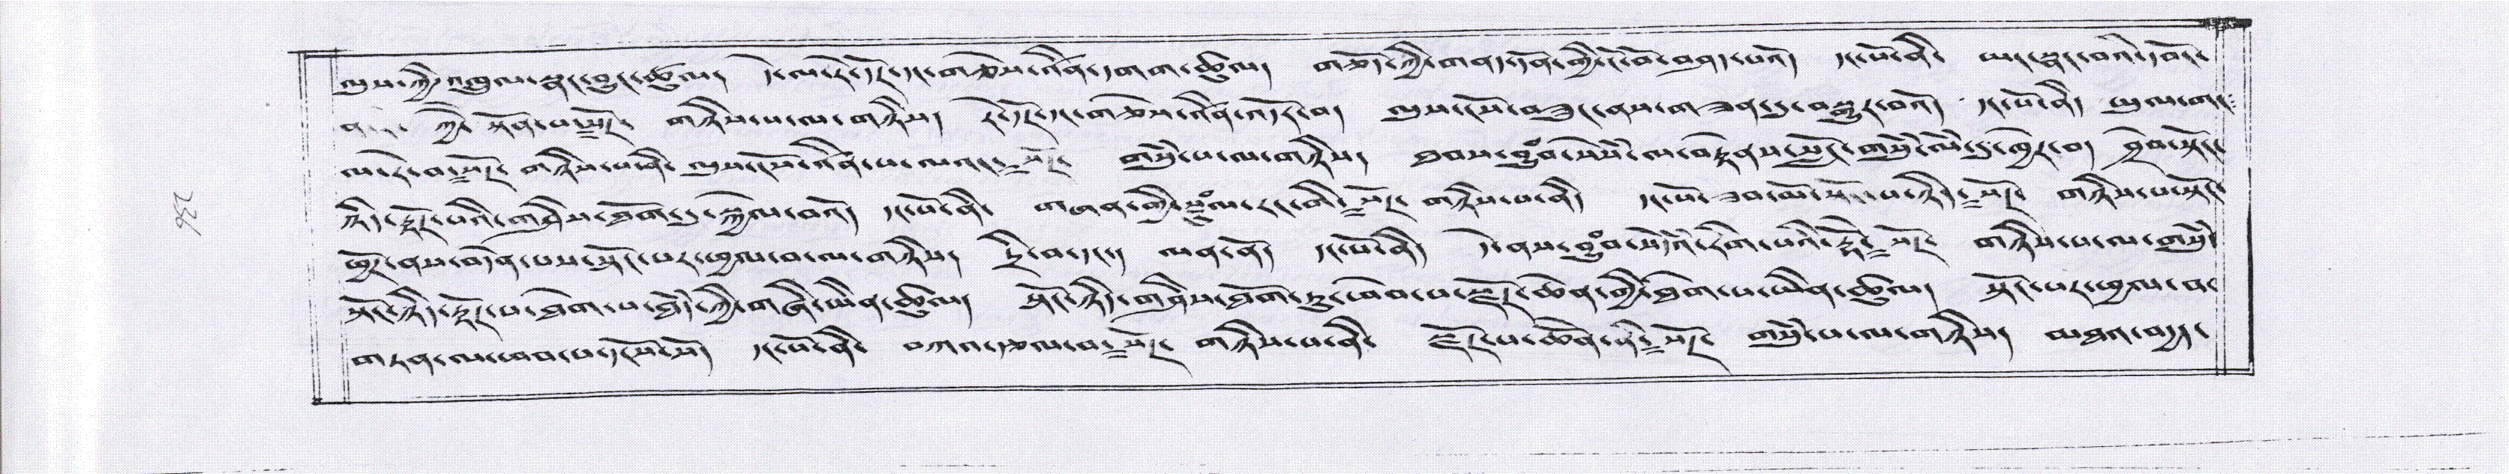ལུས་ཀྱི་འཁྲུལ་སྣང་བྱུང་ཚུལ། དེ་ལ་རེ་དོགས་དང་གཅེས་འཛིན་དགག་ཚུལ། གཅོད་ཀྱི་གནད་དོན་གྱི་ངོ་བོ་བཤད་པའོ། དང་པོ་ནི། ཡང་སྣང་བའི་དབང་པོ་
ན་རེ། ཀྱཻ་སྟོན་པ་སོགས། གཉིས་པ་ལ་གཉིས། རེ་དོགས་དང་གཅེས་འཛིན་འདོར་བ། ལུས་ངོས་བཟུང་ནས་གཟན་དུ་བསྒྱུར་བའོ། དང་པོ་ནི། ཡུལ་གང་
ལ་རེ་བ་སོགས། གཉིས་པ་ནི། ལུང་ངོས་འཛིན་པ་ལའང་སོགས། གསུམ་པ་ལ་གཉིས། ཐབས་བྱང་ཆུབ་སེམས་ལ་བརྟེན་ནས་སློང་གསུམ་ལམ་དུ་ཁྱེར་བ། ཤེས་རབ་སྟོང་
ཉིད་རྟོགས་པའི་གཤིས་ཐོག་ཏུ་སྐྱེ་བའོ། དང་པོ་ནི། གཞན་གྱི་སྡུག་བསྔལ་རང་གི་སོགས། གཉིས་པ་ནི། དང་པོ་ཟབ་མོ་སྟོང་པ་ཉིད་སོགས། གཉིས་པ་སྟོང་
ཕྱོགས་ནས་བདེན་པས་སྟོང་པར་ཕྱལ་བ་ལ་གཉིས། དྲི་བ་དང། ལན་ནོ། དང་པོ་ནི། དེ་ནས་བྱང་ཆུབ་སེམས་དཔའི་རིག་པའི་རྡོ་རྗེ་སོགས། གཉིས་པ་ལ་གསུམ། 
སྟོང་ཉིད་རྟོགས་པ་ཐེག་པ་ཐམས་ཅད་ཀྱི་གཞི་ཡིན་ཚུལ། སྟོང་ཉིད་གཤིས་ཐོག་ཏུ་ཕེབ་པ་རྫོགས་ཆེན་གྱི་ཐེག་པ་ཡིན་ཚུལ། སྟོང་པར་ཕྱལ་བ་
གཏན་ལ་ཕབ་པ་དངོས་སོ། དང་པོ་ནི། བཀའ་རྩལ་བ་སོགས། གཉིས་པ་ནི། རྫོགས་པ་ཆེན་པོ་ནི་སོགས། གསུམ་པ་ལ་གཉིས། མཐའ་བརྒྱད་